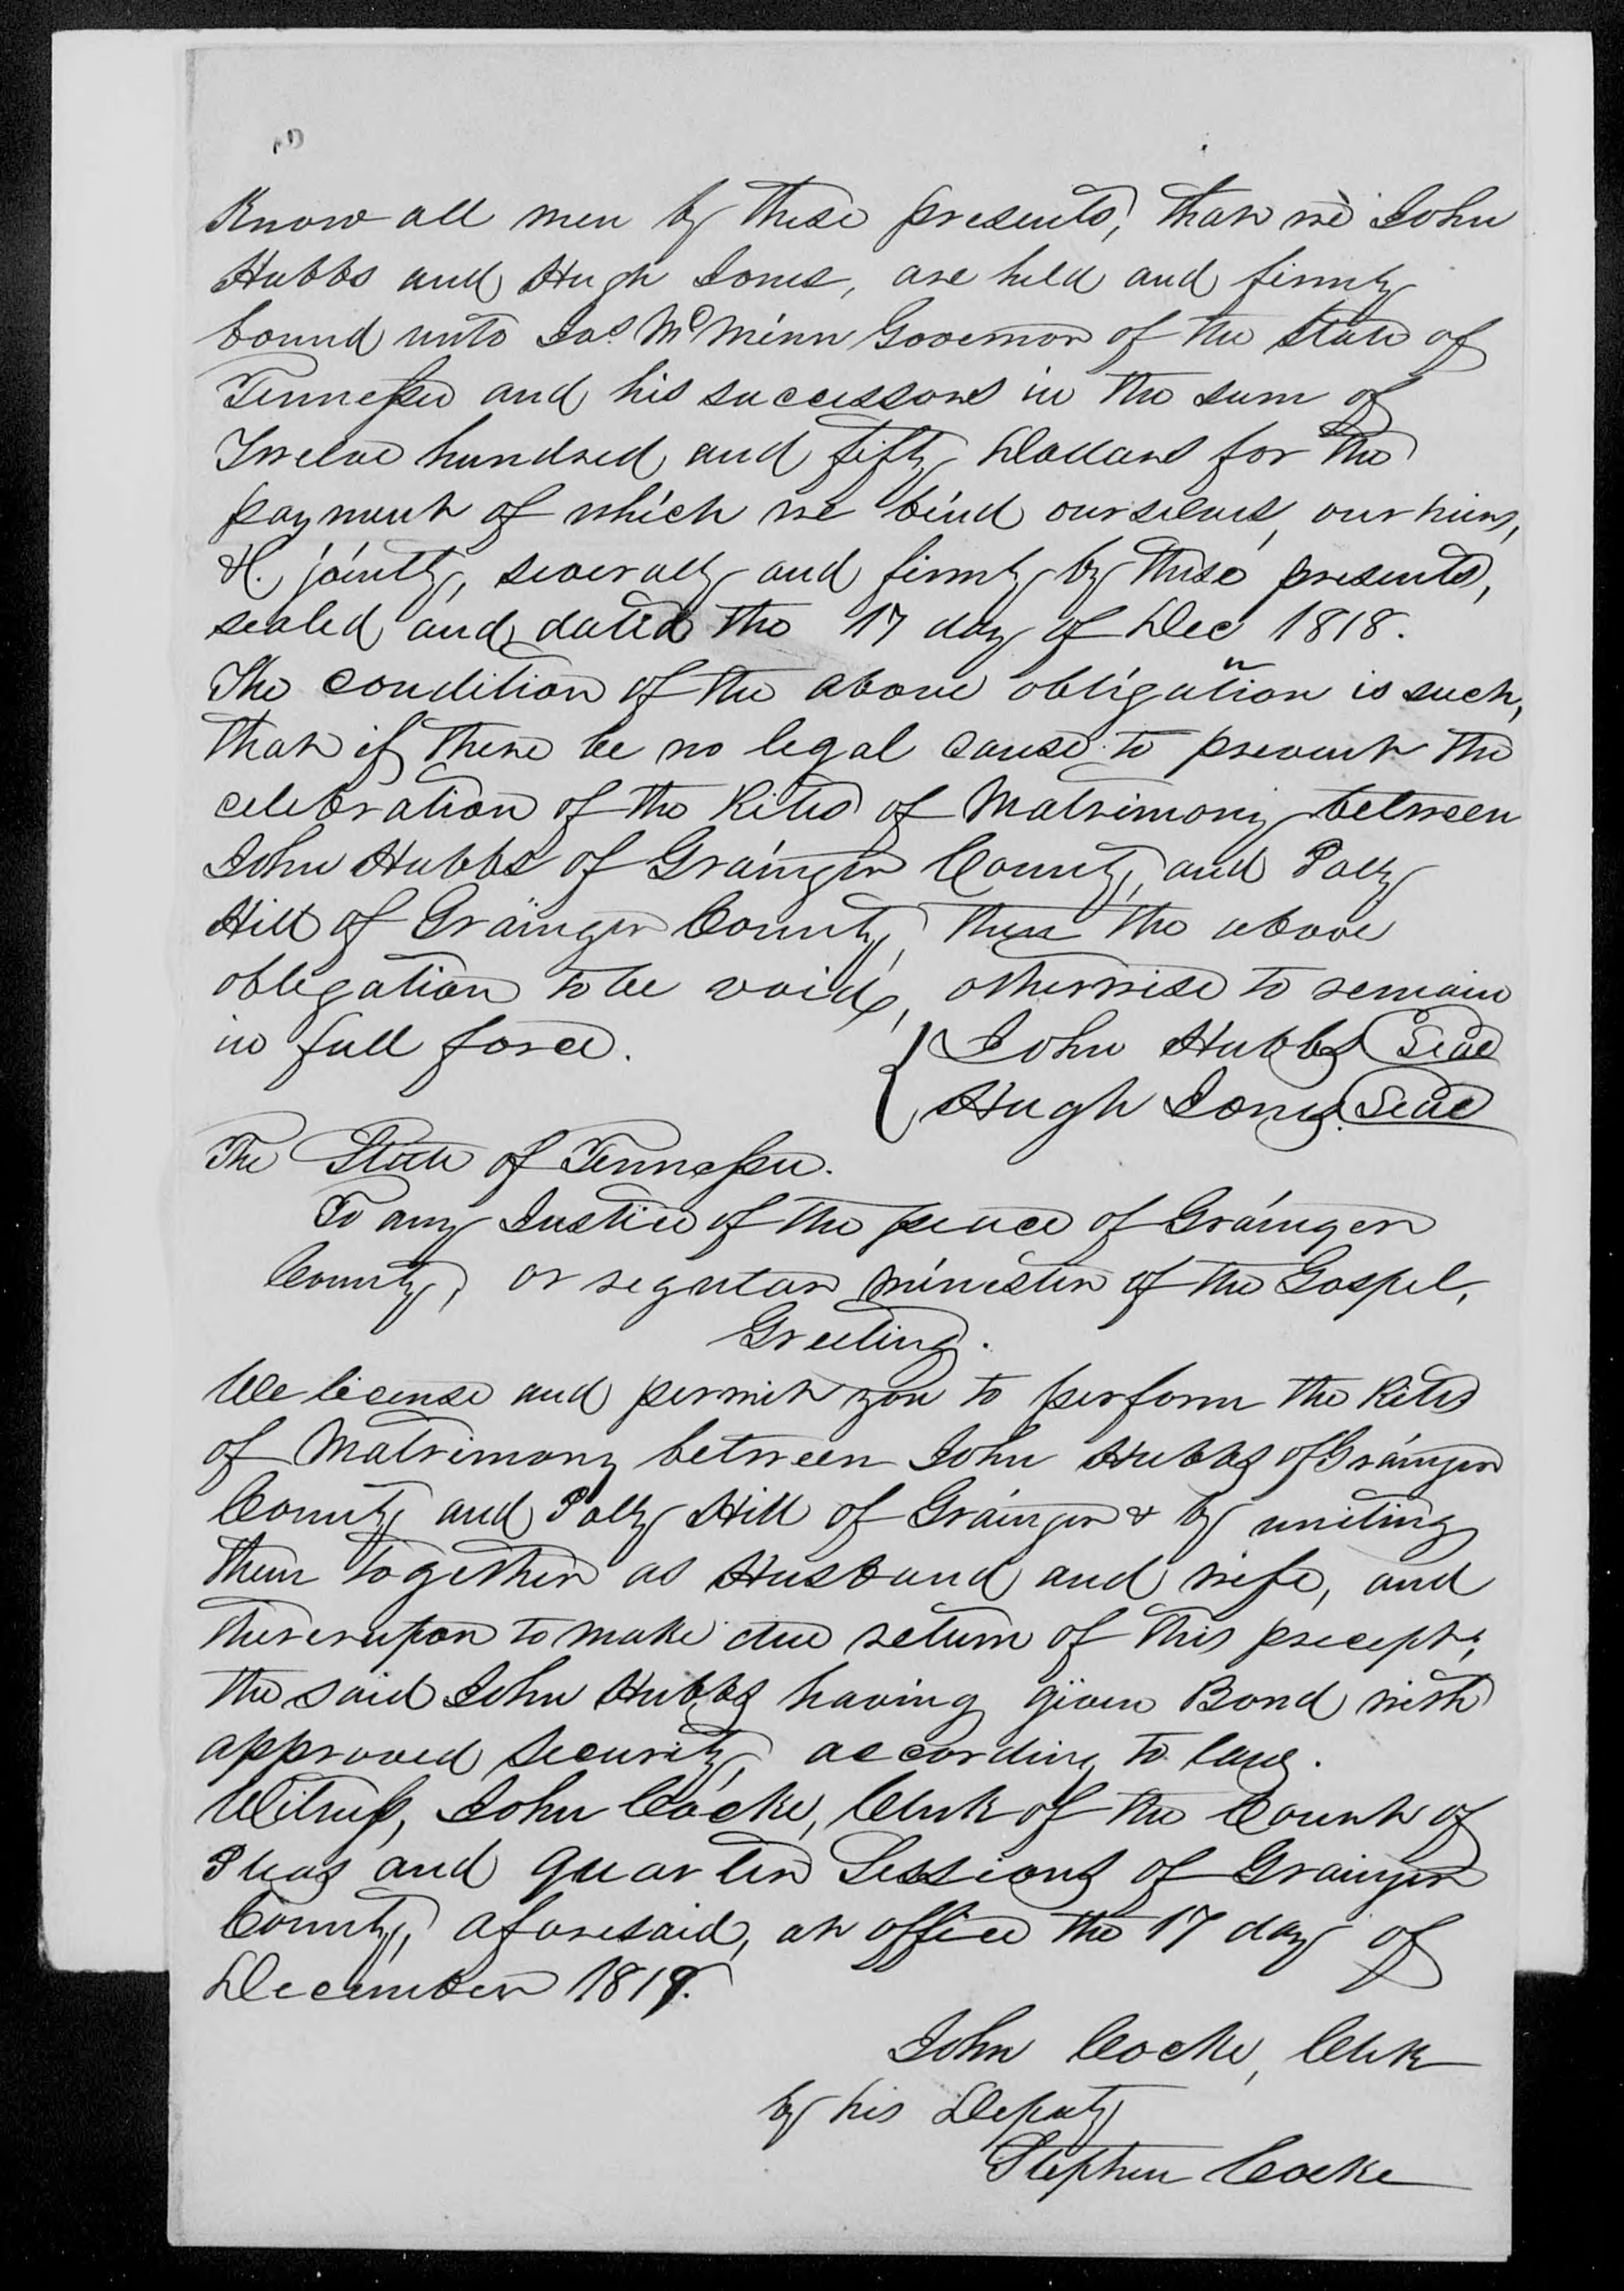Know all men by these presents, that we John
Hubbs and Hugh Jones, are held and firmly
bound unto Jas McMinn Governor of the State of Tennessee and his successors in the sum of
Twelve hundred and fifty Dollars for the
payment of which we bind ourselves, our heirs,
& jointly, severally and firmly by these presents, sealed, and dated the 17 day of Dec 1818. The condition of the above obligation is such that if there be no legal cause to prevent the celebration of the Rites of Matrimony between John Hubbs of Grainger County, and Polly Hill of Grainger County. Then the above obligation to be void, otherwise to remain in full force. 
John Hubbs (Seal)  
Hugh Jones  (Seal)

The State of Tennessee
To any Justice of the peace of Grainger County, or regular minister of the Gospel. 
Greetings.
We license and permit you to perform the Rites of Matrimony between John Hubbs of Grainger County and Polly Hill of Grainger & by uniting them together as Husband and wife, and thereupon to make due return of this precept, the said John Hubbs having given Bond with approved security according to law.
Witness John Cocke, Clerk of the County of
Pleas and quarter Sessions of Granger County aforesaid, an office the 17 day of December 1819.
John Cocke Clerk
by his Deputy
Stephen Cocke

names: Jas Mc Minn, Stephen Cocke, John Hubbs, Hugh Sones, John Cocke, Gospel Greiling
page: 15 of 86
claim: widow's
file: W. 1035, John Hubbs, S.C.